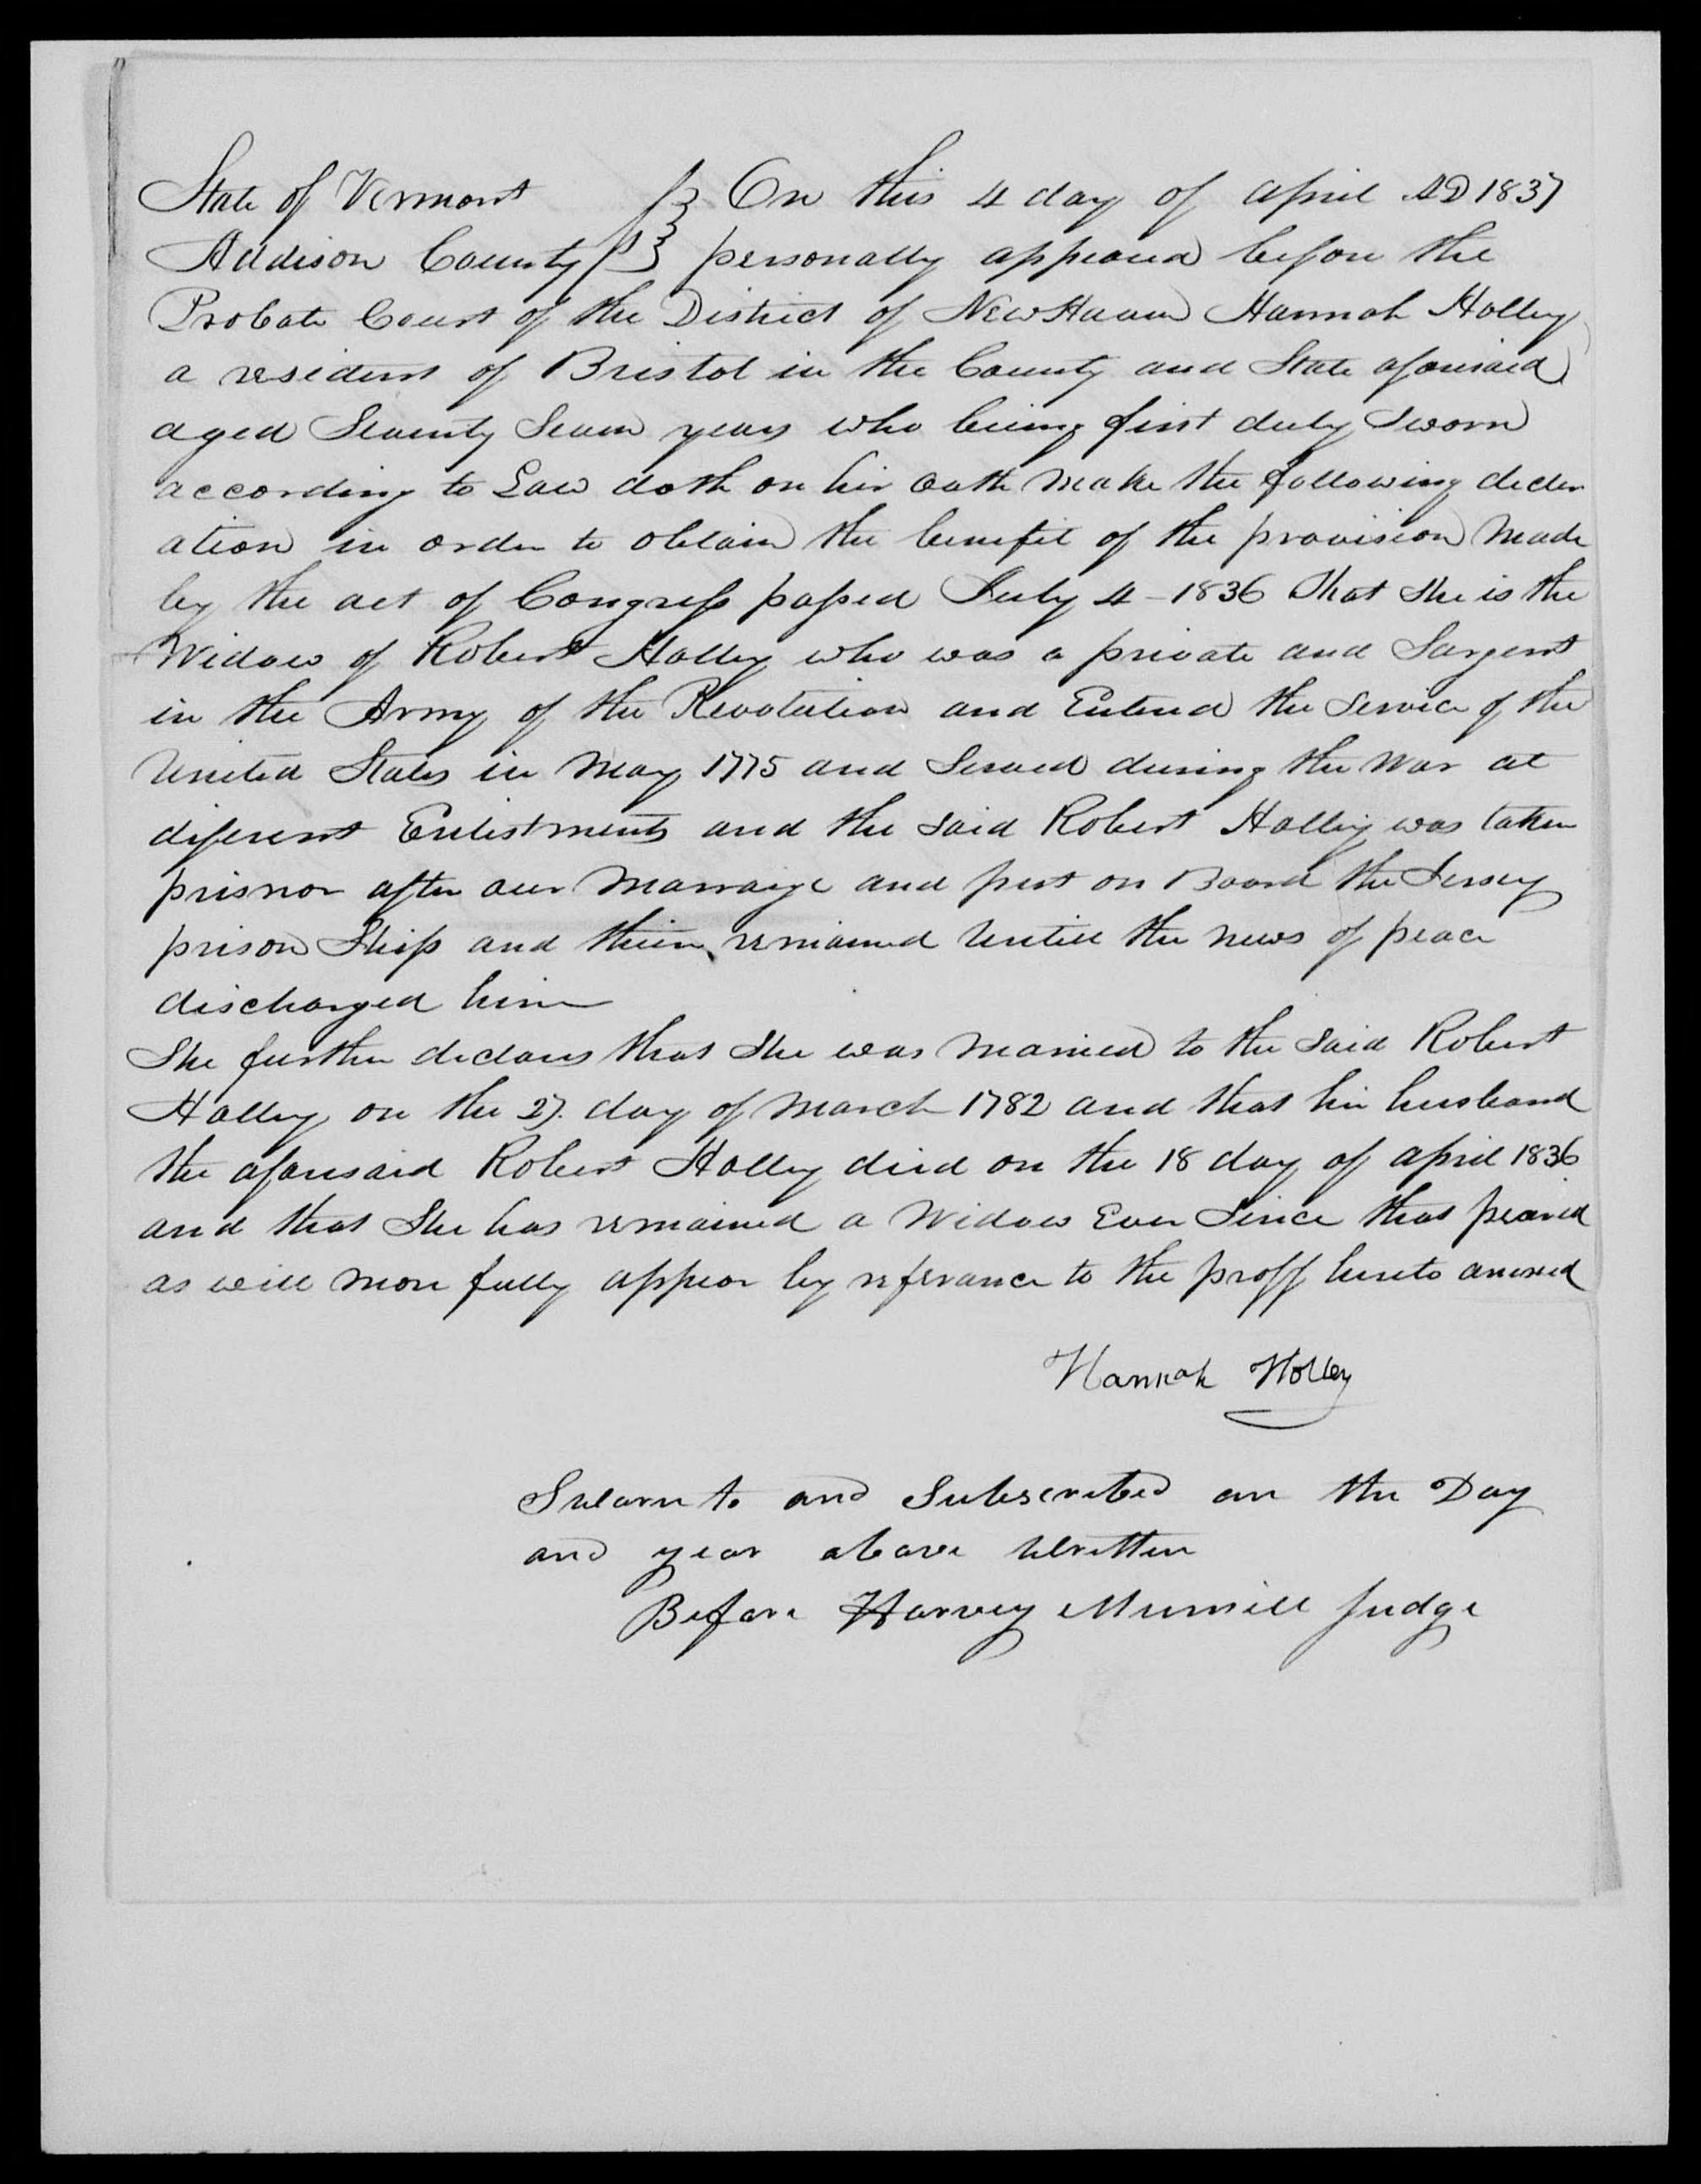State of Vermont Addison County ss⎬ On this 4 day of April AD 1837 personally appeared before the Probate Court of the District of New Haven Hannah Holley a resident of Bristol in the County and State aforesaid aged Seventy Seven years who being first duly sworn according to Law doth on her oath make the following declaration in order to obtain the benefit of the provision made by the act of Congress passed July 4, 1836 That she is the Widow of Robert Holley who was a private and Sargent in the Army of the Revolution and entered the service of the United States in May 1775 and served during the War at different enlistments and the said Robert Holley was taken prisoner after our marriage?? and put on board the Jersey prison Ship and their remained untill [until] the news of peace discharged him
 She further declares that she was married to the said Robert Halley on the 27 day of March 1782 and that her husband the aforesaid Robert Holley died on the 18 day of April 1836 and that she has remained a widow ever since that period as will more fully appear by referance [reference] to the proff [proof] hereto anexed [annexed]
 Hannah Holley 
Sworn to and Subscribed on the Day and year above written Before Harvey Munsill Judge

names: Robert Halley, Hannah Holley, Robert Halley, Harvey Munsill, Robert Halley, Hannah Holley, Robert Halley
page: 32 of 62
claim: widow's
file: W. 21391, Robert Holley, Conn.